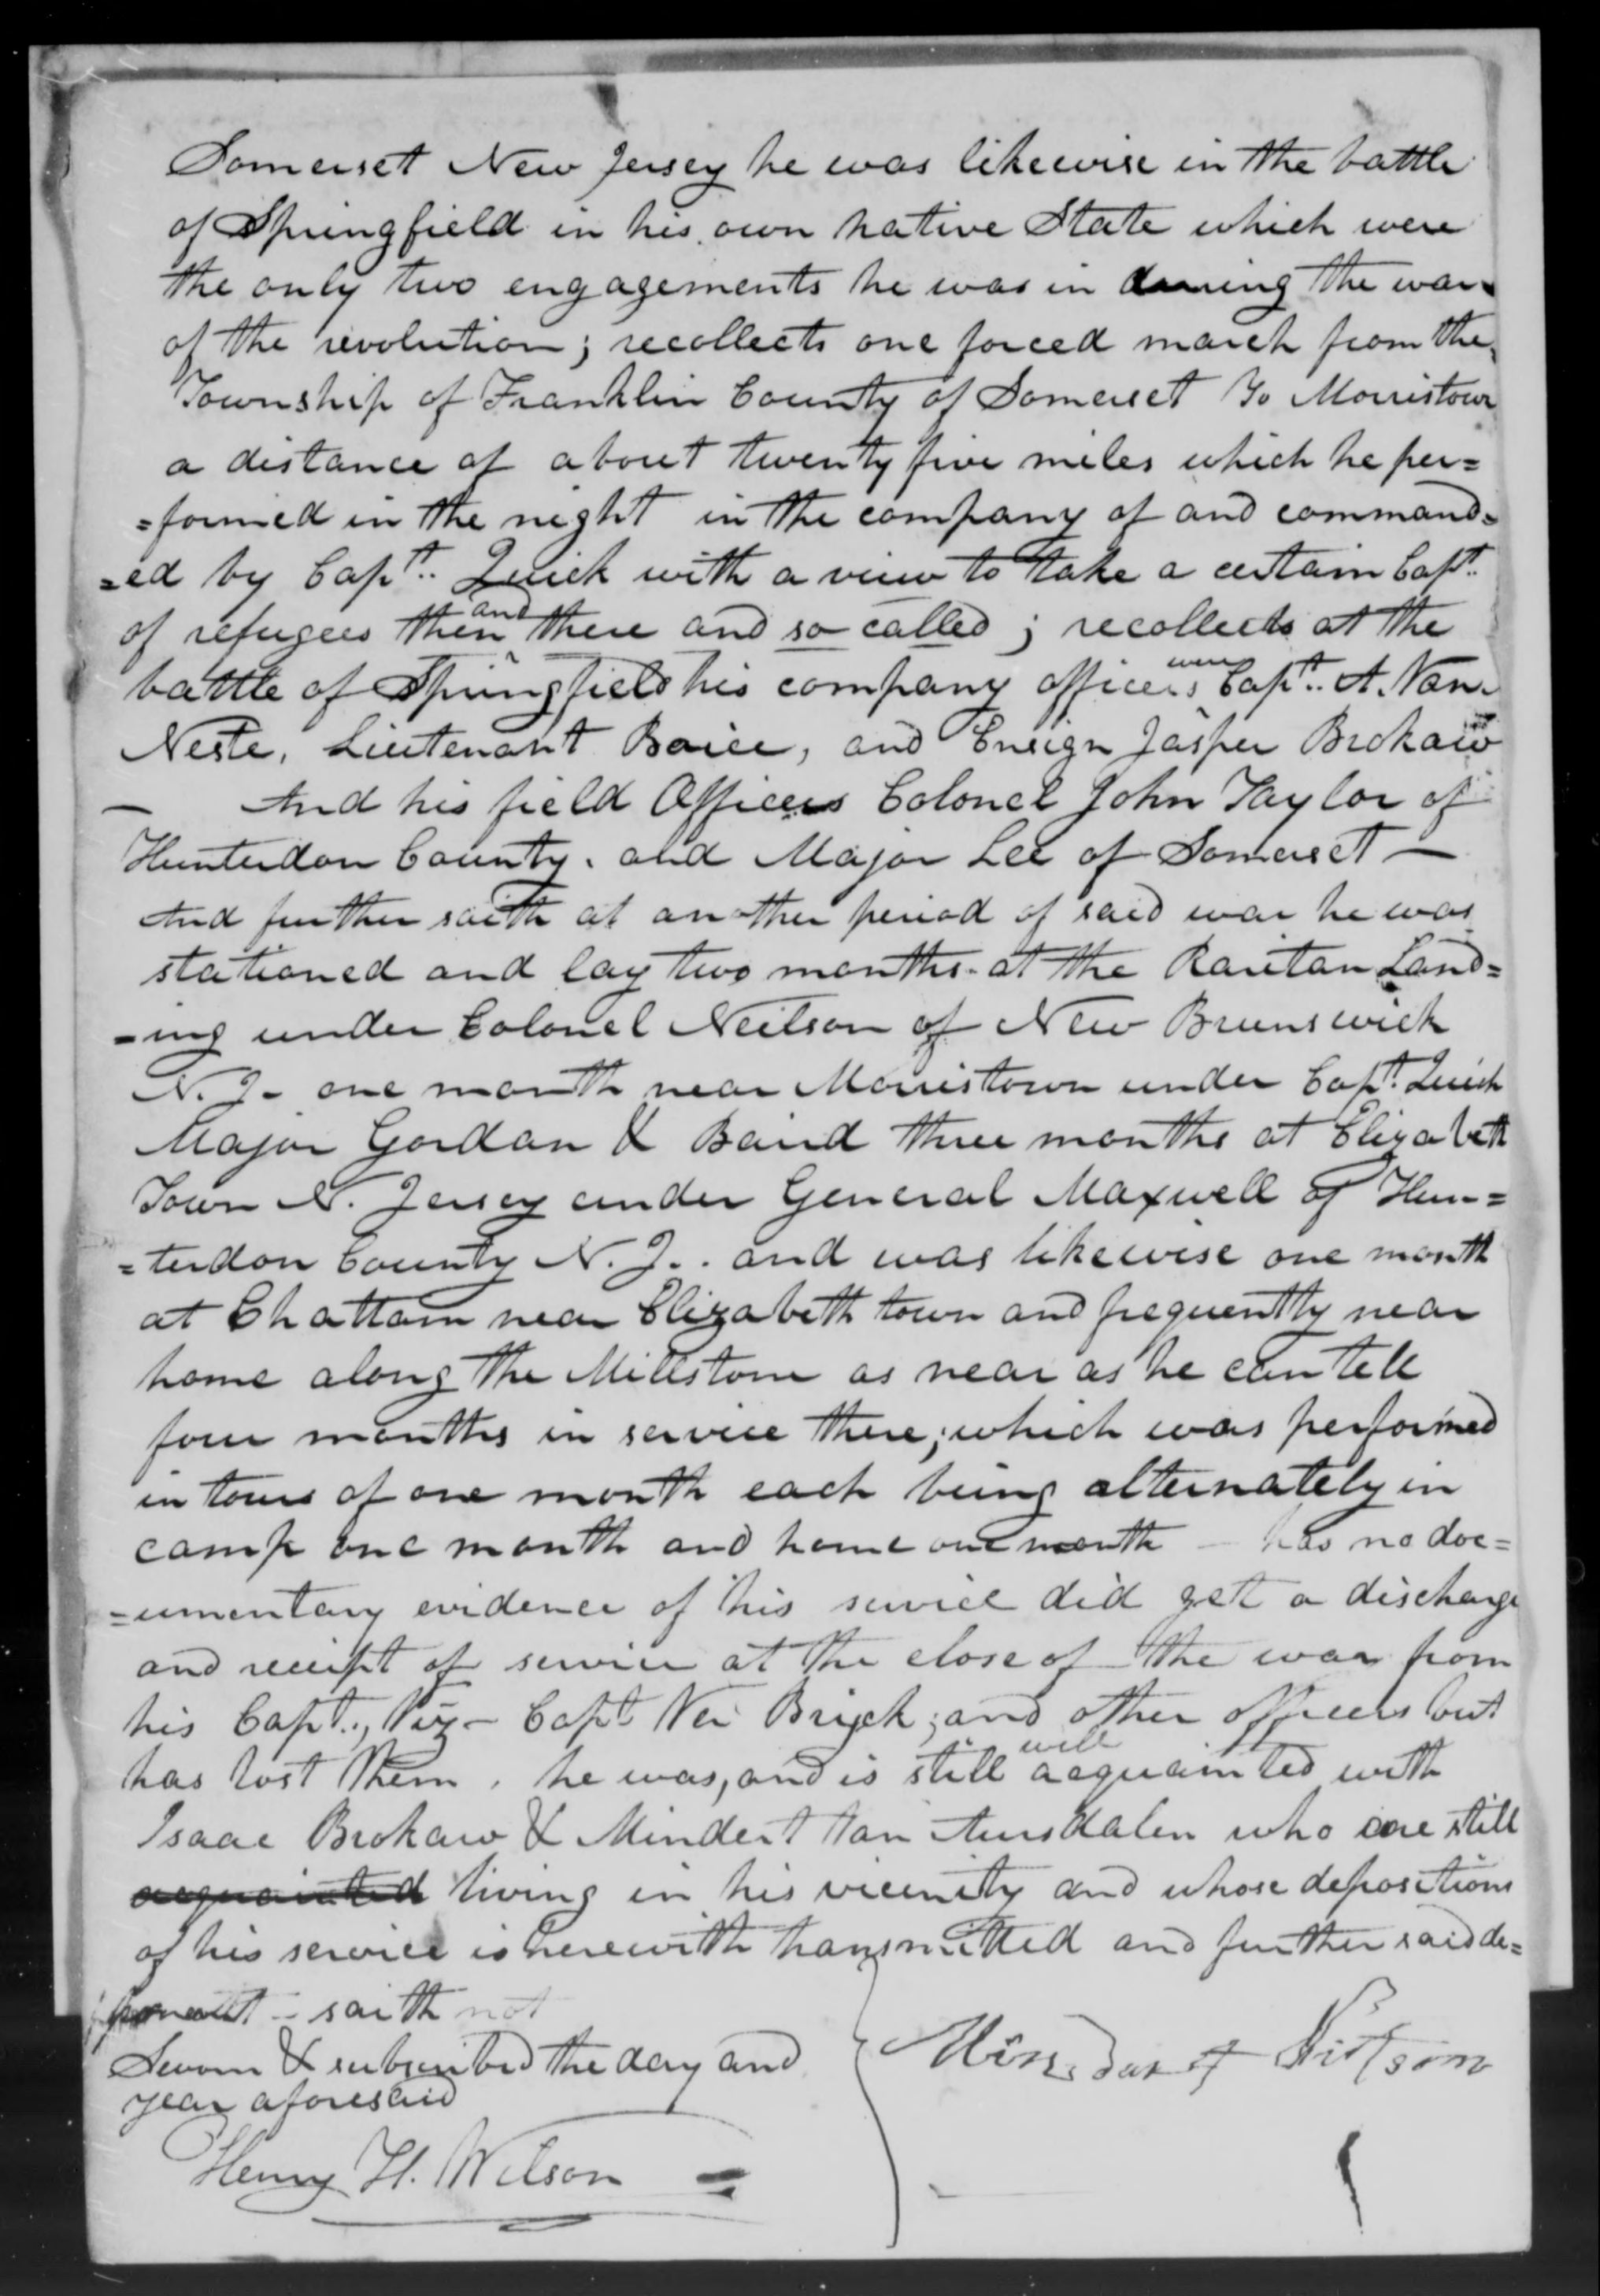Somerset New Jersey he was likewise in the battle of Springfield in his own native State which were the only two engagements he was in during the war of the revolution; recollects one forced march from the Township of Franklin County of Somerset to Morristown a distance of about twenty five miles which he performed in the night in the company of and commanded by Cap't Quick with a view to take a certain Cap't of refugees then ^and there and so called [5 words underlined]; recollects at the battle of Springfield his company officers ^were Capt A. Van Neste, Liutenant Boice, and Ensign Jasper Brokaw. And his field Officers Colonel John Taylor of Hunterdon County, and Major Lee of Somerset. And further saith at another period of said war he was stationed and lay two months at the Raritan Landing under Colonel Neilson of New Brunswick N. J. one month near Morristown under Cap't Quick Major Gordan & Baird three months at Elizabeth Town N. Jersey under General Maxwell of Hunterdon County N. J. and was likewise one month at Chatham near Elizabeth town and frequently near home along the Millstone as near as he can tell four months in service there; which was performed in tours of one month each being alternately in camp one month and home one month -- has no documentary evidence of his service did get a discharge and receipt of service at the close of the war from his Capt., Viz -- Capt Ver Brijck; and other officers but has lost them, he was, and is still ^well acquainted with Isaac Brokaw & Mindert Van Arsdalen who are still living in his vicinity and whose depositions of his service is herewith transmitted and further said deponent saith not

[signed] Mindart Wilson

Sworn & subscribed the day and year aforesaid
Henry H. Wilson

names: Mindert Van Aursdalen, Isaac Brokaw, Maxwell, John Taylor, Quick, Mindart Wilson, Baird, Jasper Brokaw, Neilson, A Van Neste, Henry H Wilson, Boice, Viz, Ver Bryck, Lee, Gordan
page: 29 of 40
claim: survivor's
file: S. 3564, Mindart Wilson, New Jersey